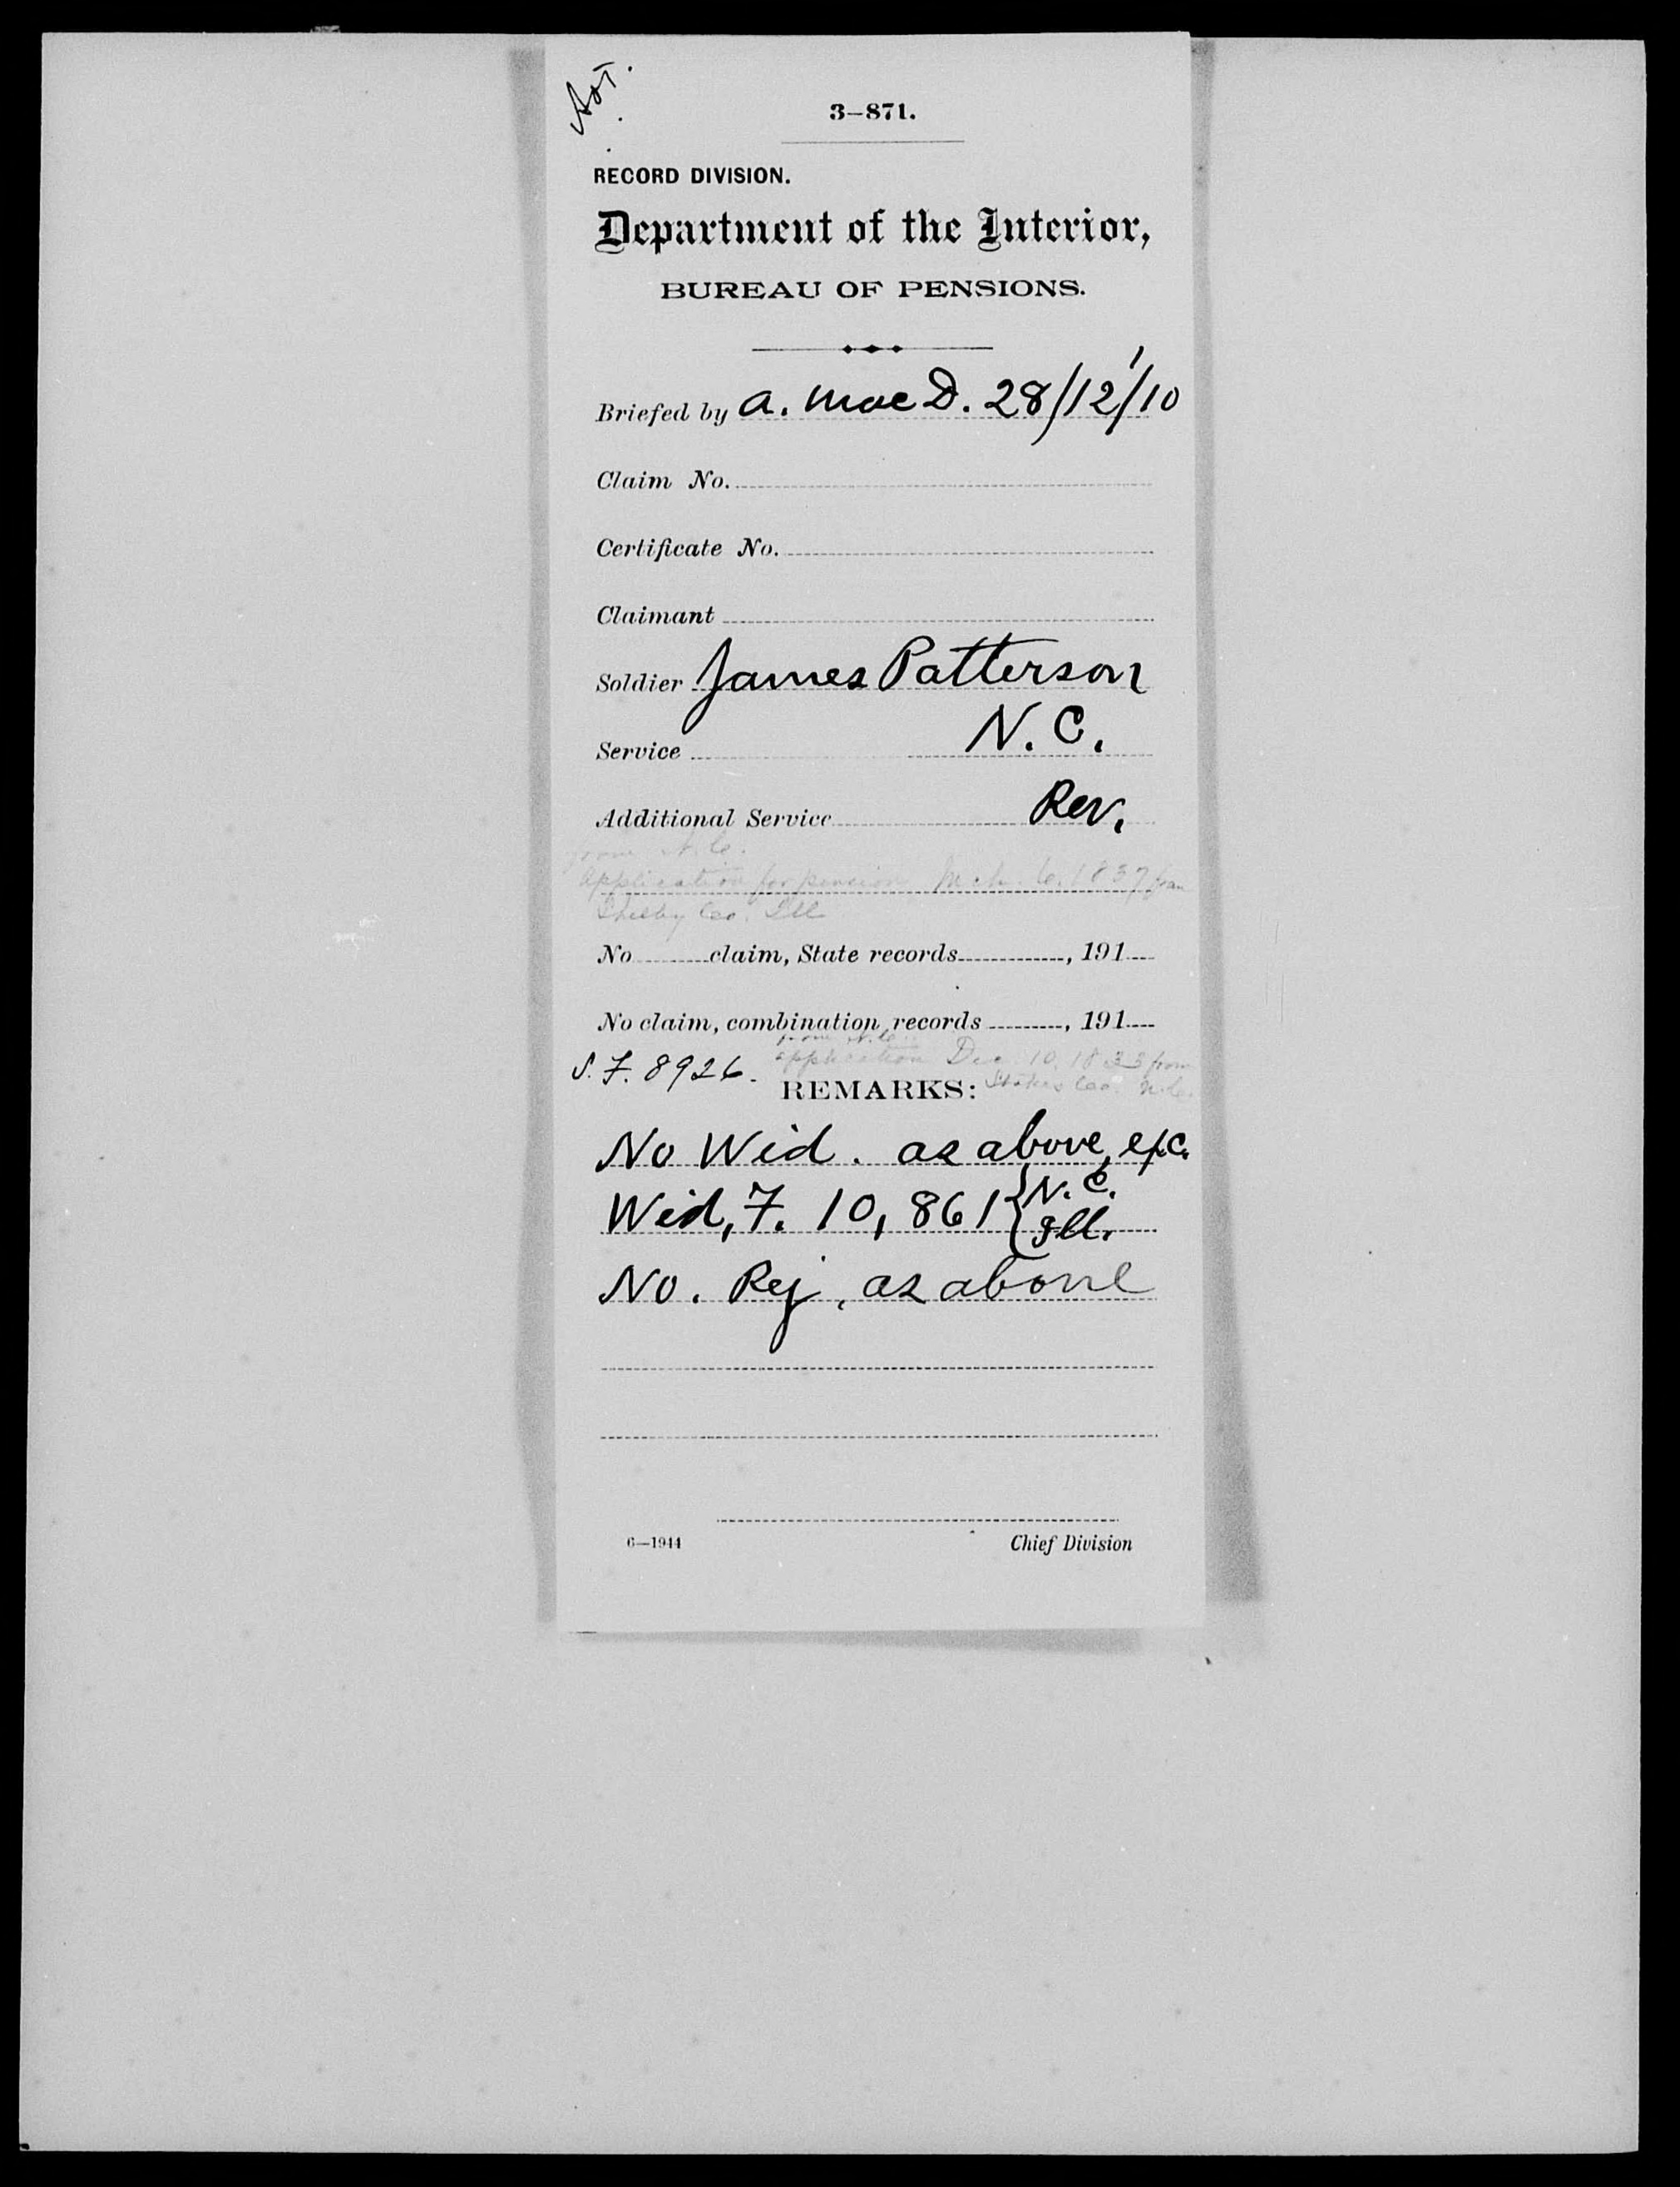3 - 871. 
RECORD DIVISION. 
Department of the Interior, 
BUREAU OF PENSIONS. 
Briefed by a. mac D. 28 /12’/10
Claim No. 
Certificate No. 
Claimant 
Soldier James Patterson 
Service N.C. 
Additional Service Rev.
From file 
application for pension Mch 6. 1837 [illegible]
Shelby Co. Ill 
No. _______ claim, State records _________191_
No claim, combination records  ___________191_
S.F. 8926. From file application Dec 10. 1823 from [illegible states leo wife]
REMARKS: 
No Wid. as above exc.
Wid, 7. 10, 86 {N.C. Ill.
No. Reg. as above

6 -- 1944      Chief Division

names: James Patterson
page: 68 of 69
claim: widow's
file: W. 10861, for James Patterson, North Carolina